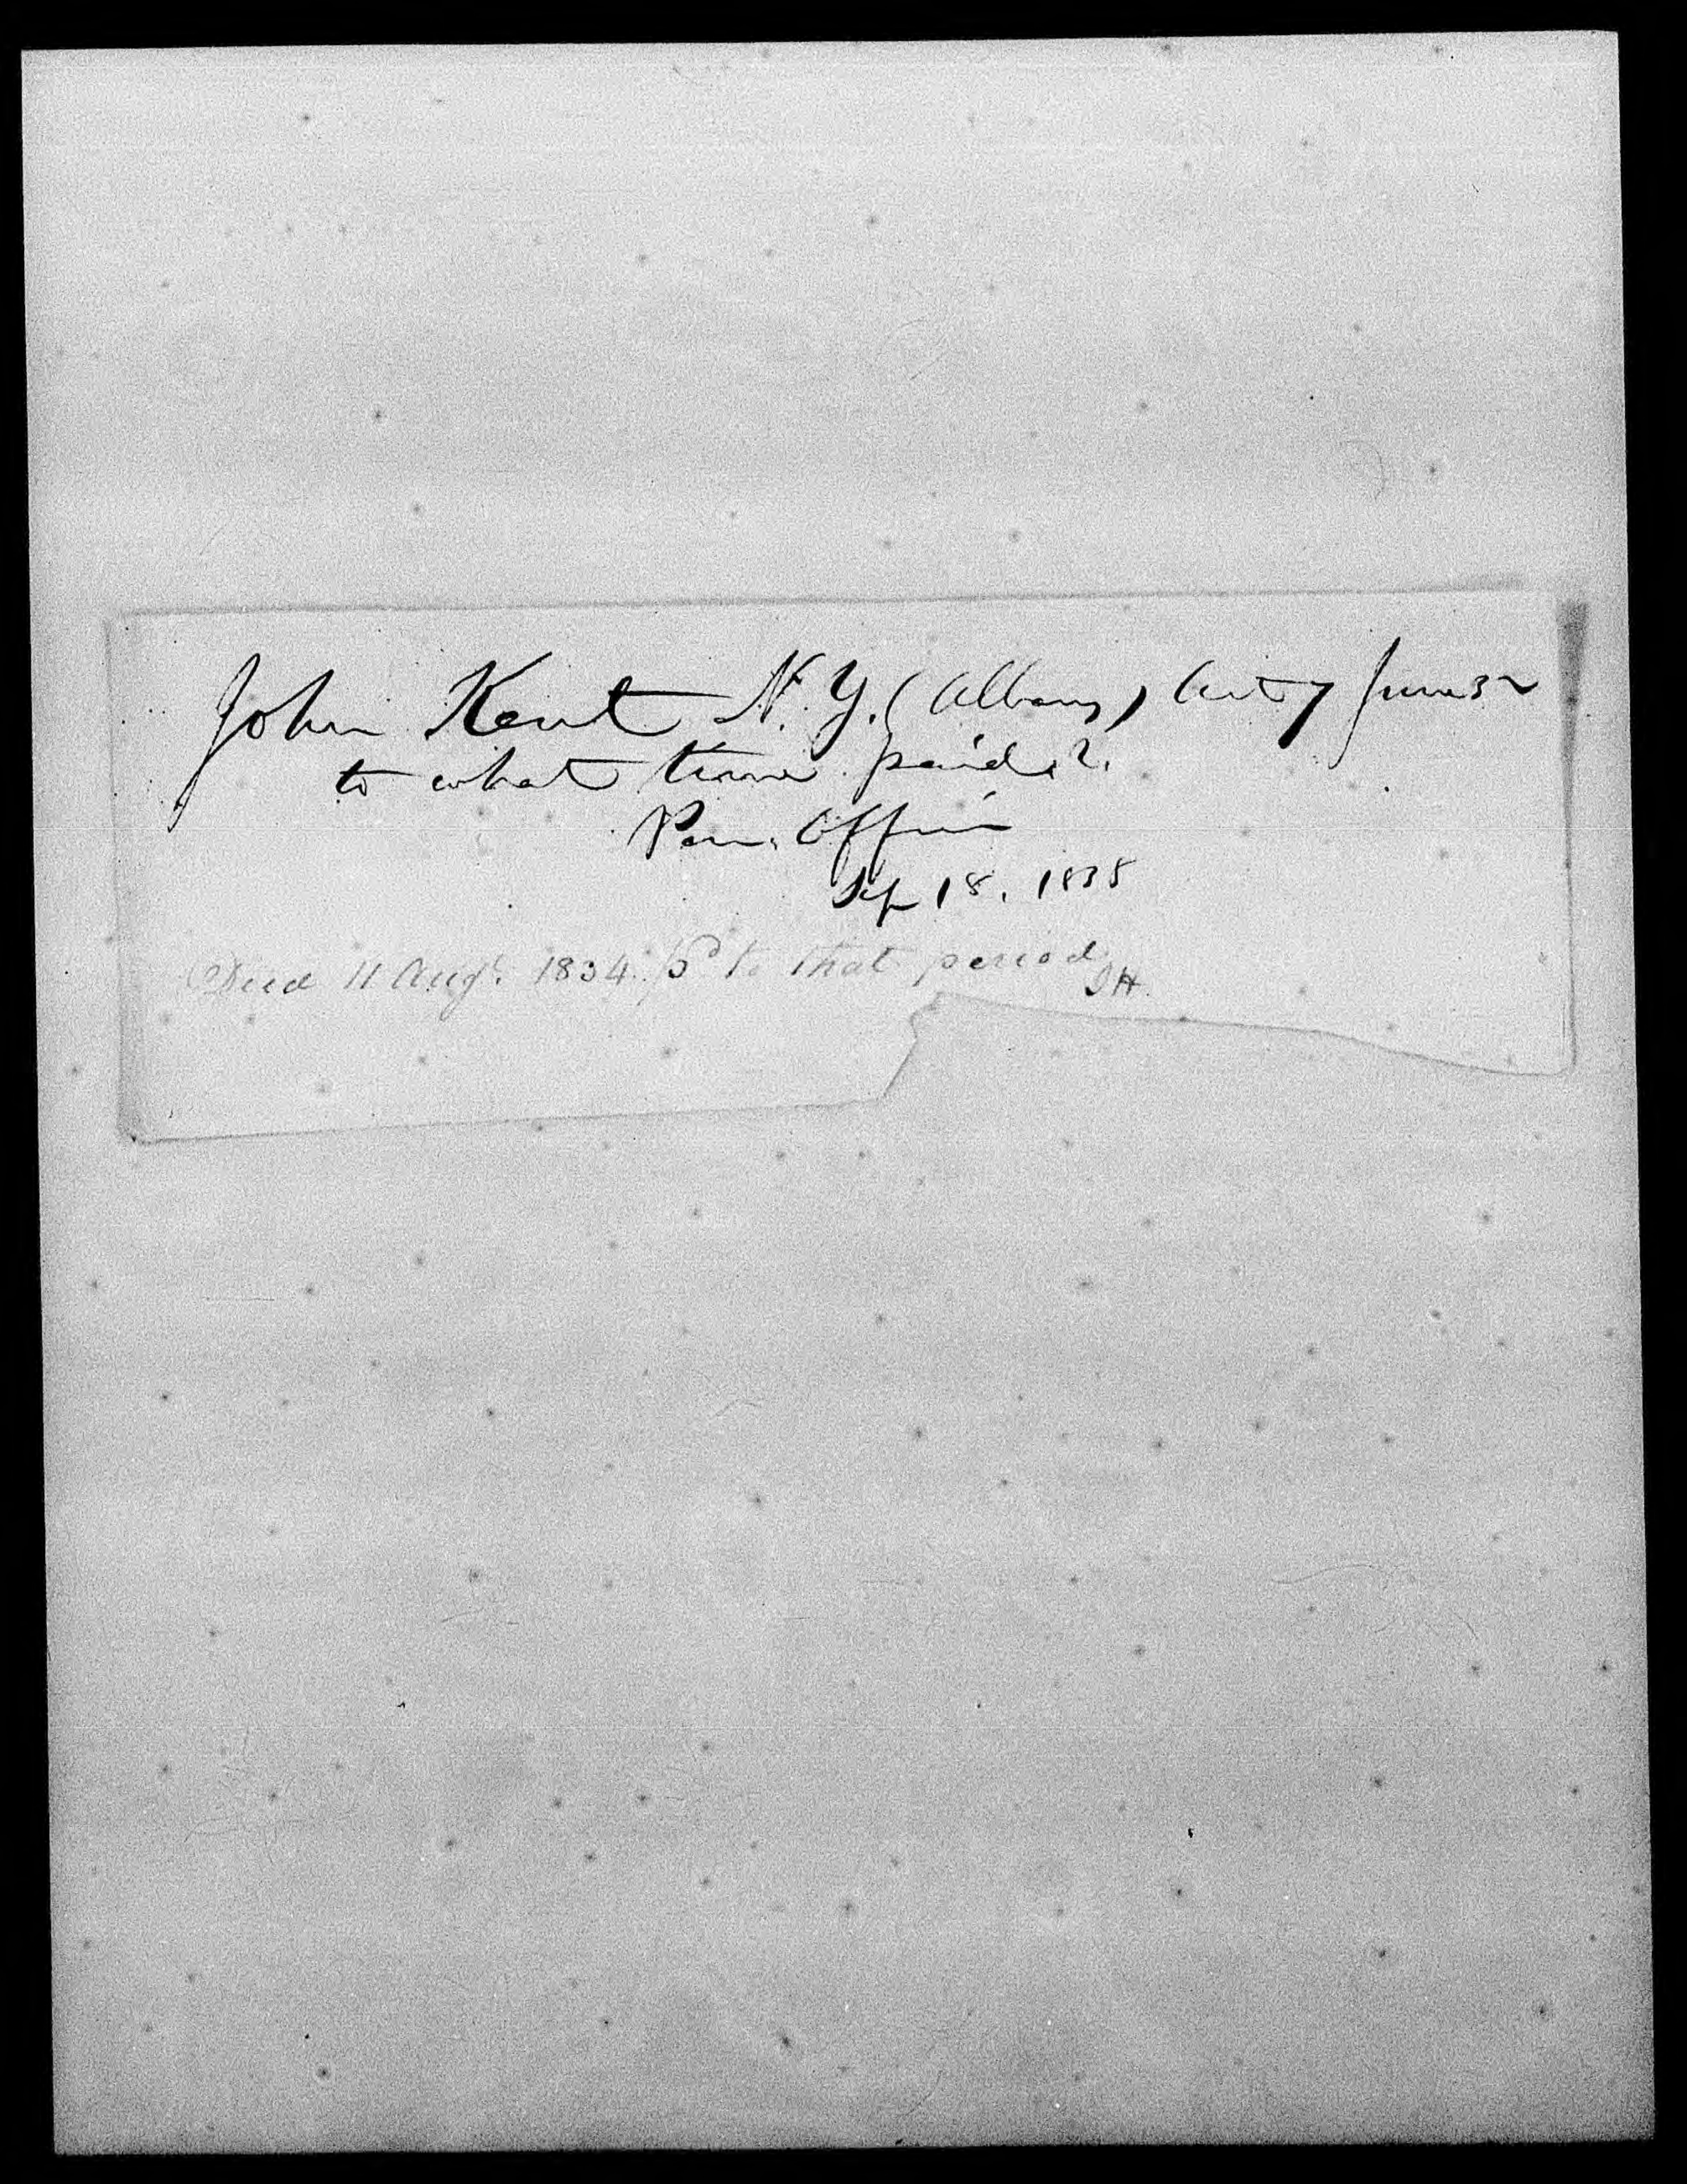John Kent N. Y. (Albany) Act 7 June 32
to what time paid?
Pen Office
Sept 18, 1838
Died 11 Augt. 1834 p@ to that period I.H.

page: 18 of 50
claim: widow's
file: W. 4253, for John Kent, Vermont